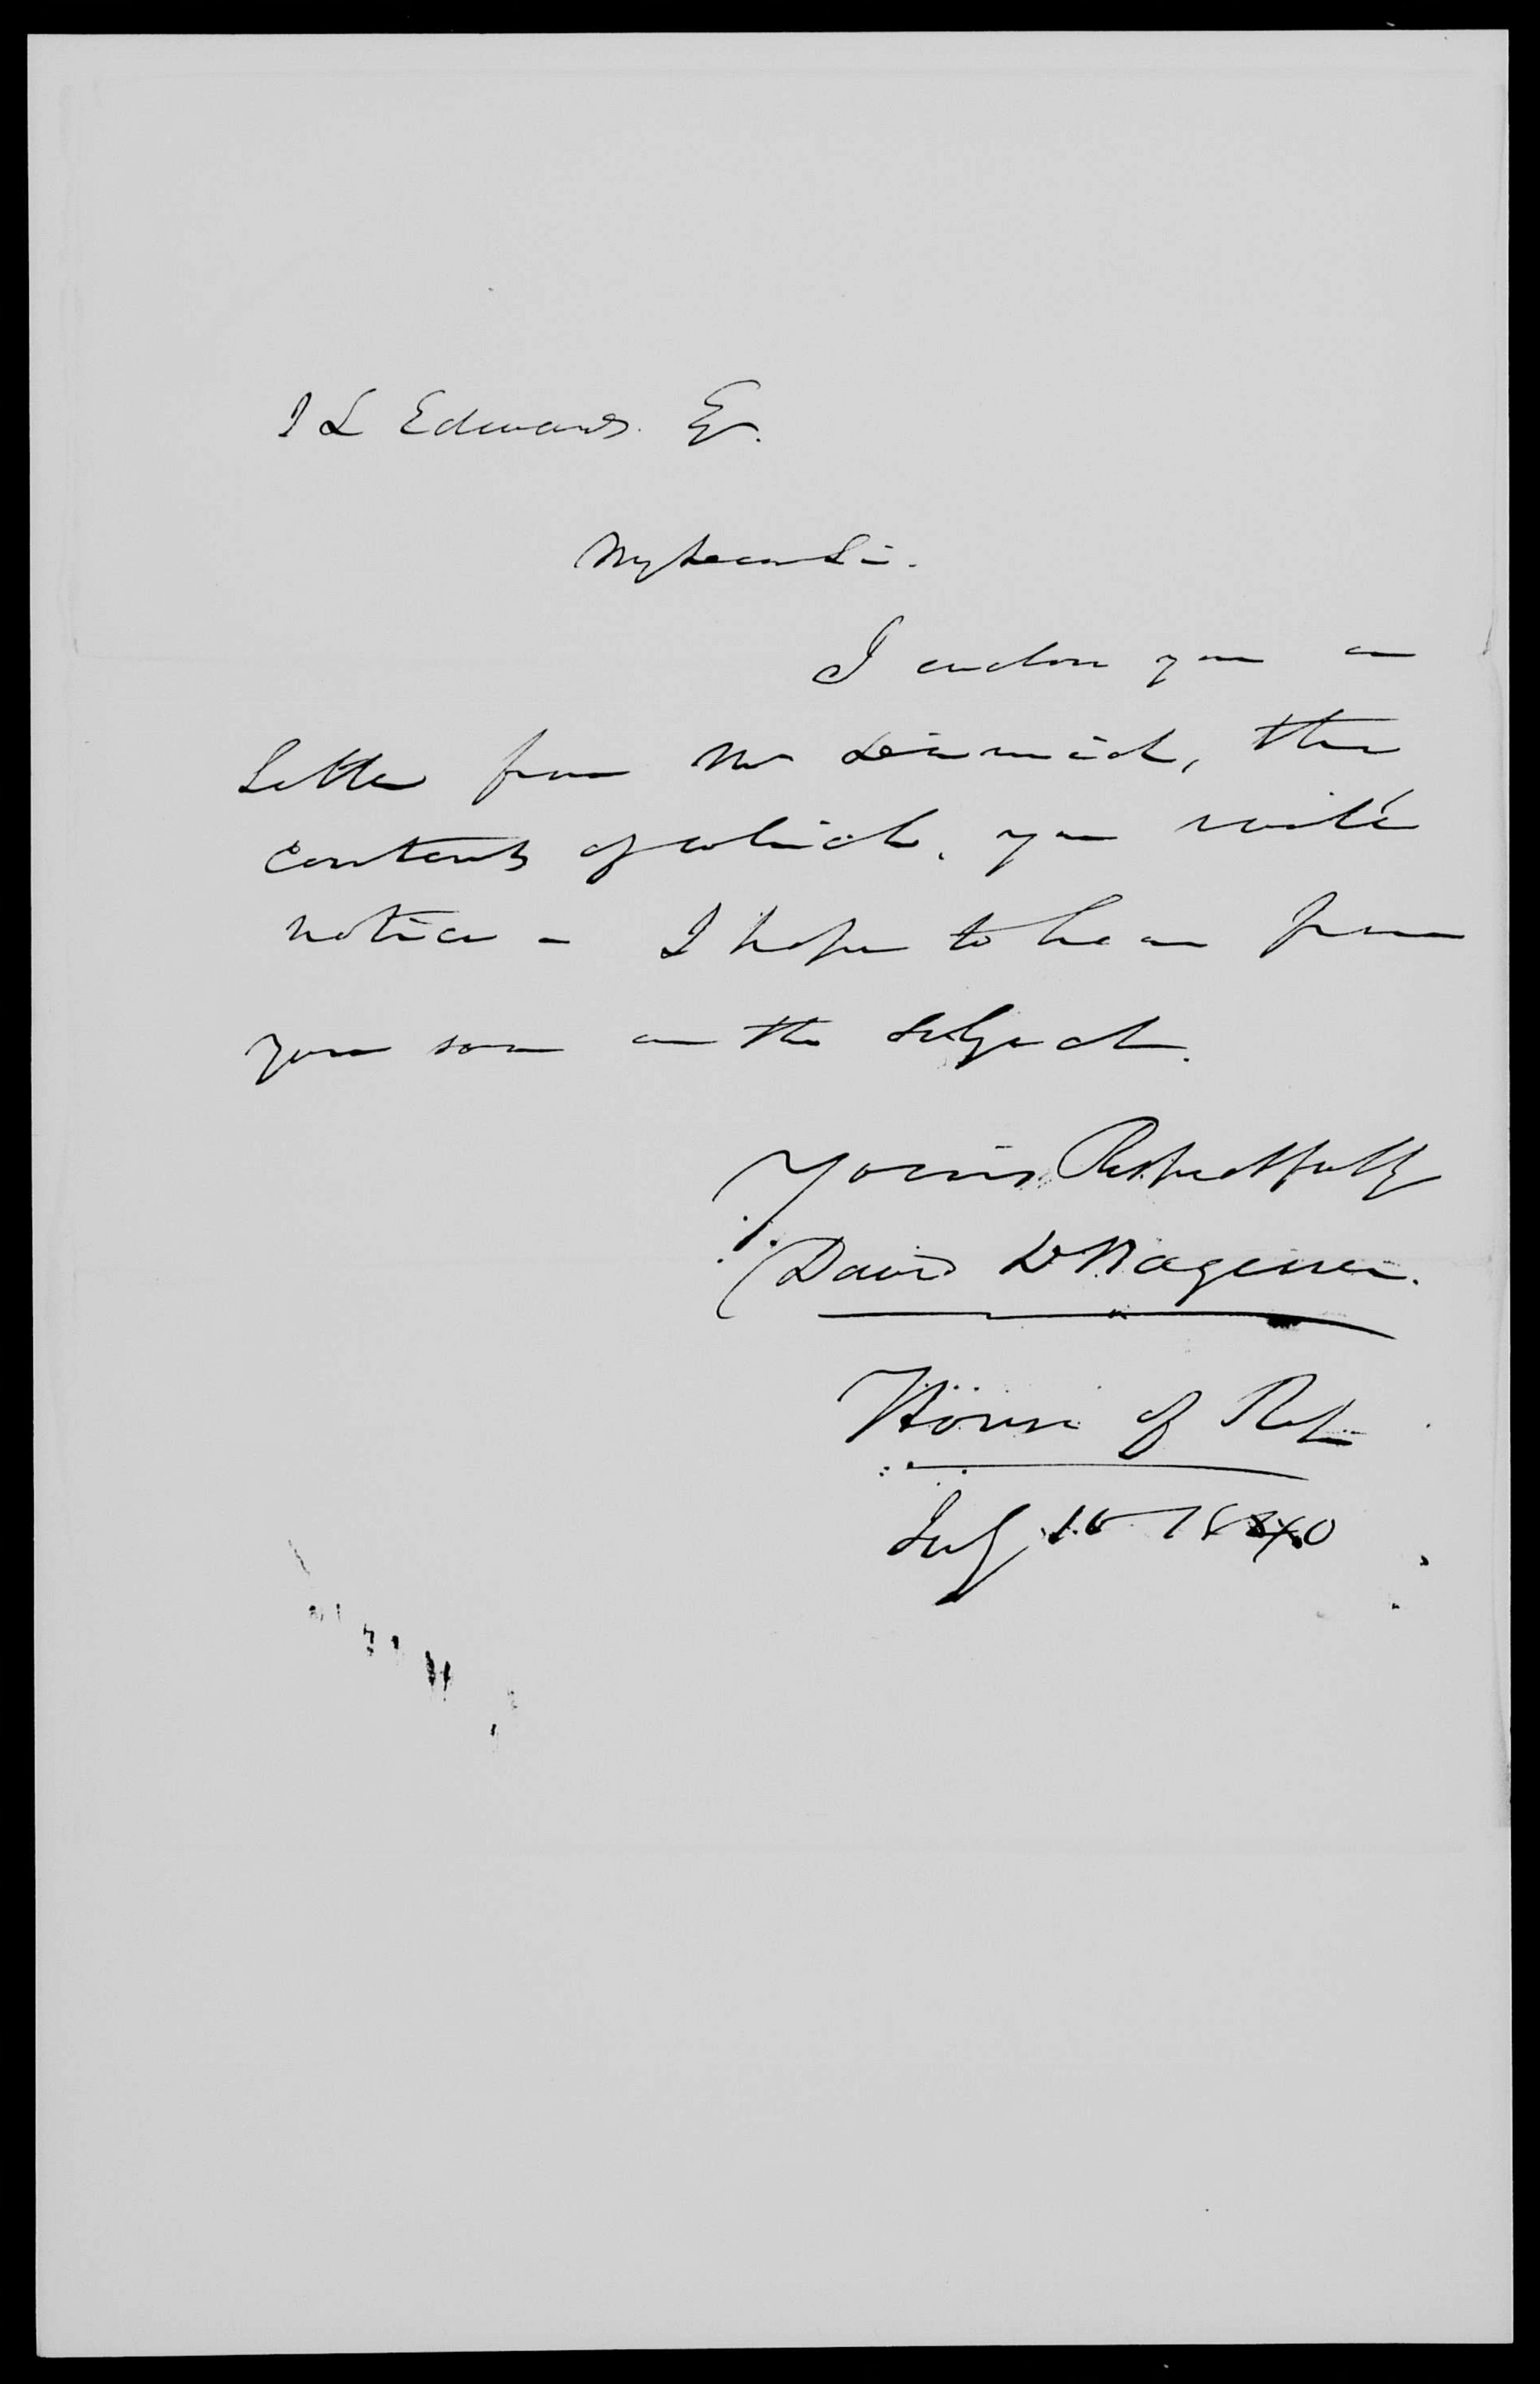J L Edward Esq
Mr. Edwards
I enclose you a letter from Mr. [illegible], the contents of which
you will notice-
I hope to hear from you soon on the subject
Yours Respectfully
David D Wagener

House of Rep
---
July 10 1880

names: David D Wagener, J L Edwards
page: 54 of 79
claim: widow's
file: W. 2,906, Stephen Bennet, Conn.